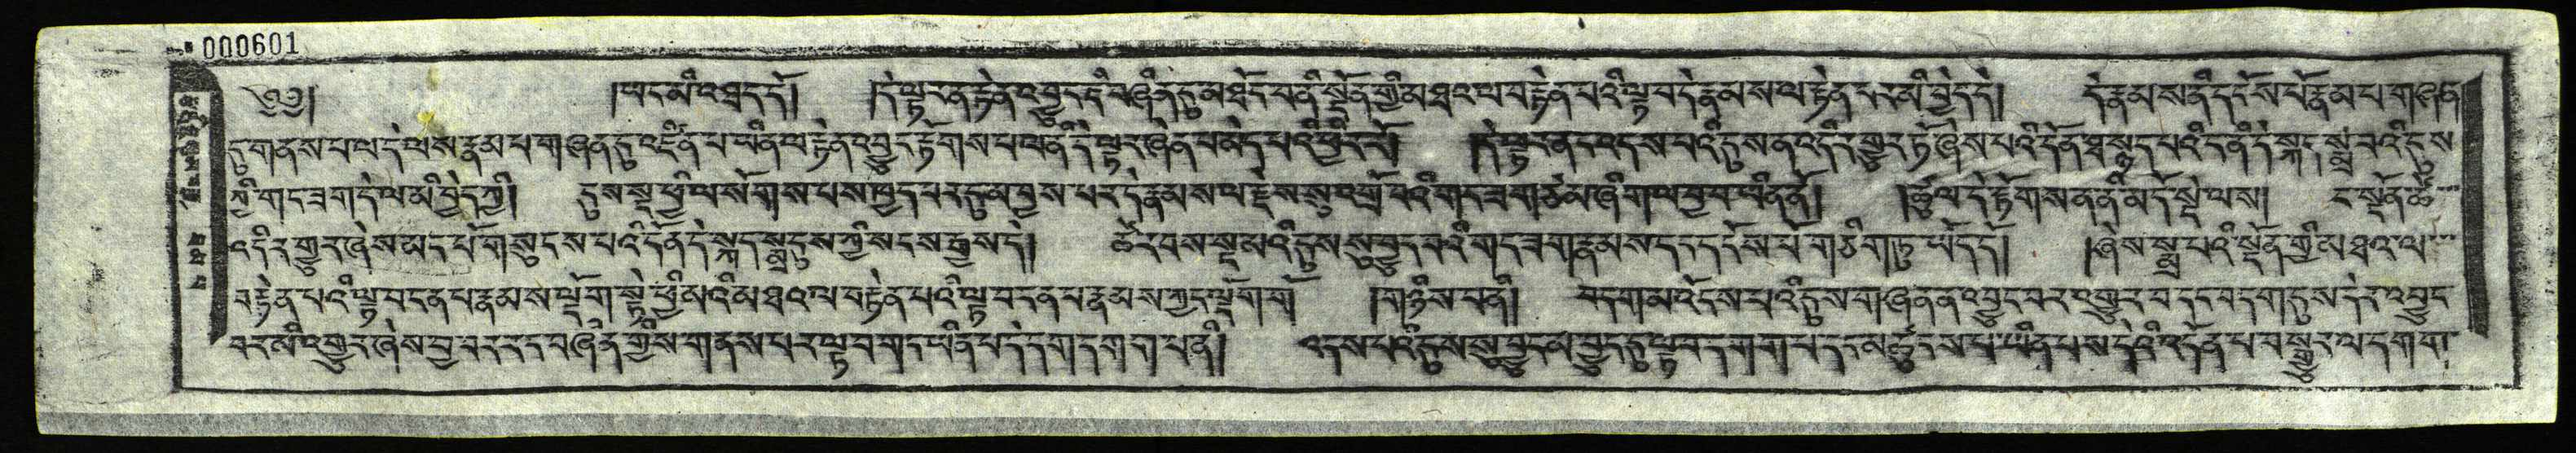༄༅། །ཡང་མི་འཐད་དོ། །དེ་ལྟར་ན་རྟེན་འབྱུང་ཇི་བཞིན་དུ་མཐོང་བ་ནི་སྔོན་གྱི་མཐའ་ལ་བརྟེན་པའི་ལྟ་བ་དེ་རྣམས་ལ་རྟེན་པར་མི་བྱེད་དེ། དེ་རྣམས་ནི་དངོས་པོ་རྣམ་པ་གཞན་
དུ་གནས་པ་ལ་དེ་ལས་རྣམ་པ་གཞན་དུ་འཛིན་པ་ཡིན་ལ་རྟེན་འབྱུང་རྟོགས་པ་ལ་ནི་དེ་ལྟར་ཞེན་པ་མེད་པའི་ཕྱིར་རོ། །དེ་ལྟར་ན་ང་འདས་པའི་དུས་ན་འདིར་གྱུར་ཏོ་ཞེས་པའི་དོན་ཐ་སྙད་པའི་ང་ནི་དེ་སྐད་སྨྲ་བའི་དུས་
ཀྱི་གང་ཟག་དེ་ལ་མི་བྱེད་ཀྱི། དུས་སྔ་ཕྱི་ལ་སོགས་པས་ཁྱད་པར་དུ་མ་བྱས་པར་དེ་རྣམས་ལ་རྗེས་སུ་འགྲོ་བའི་གང་ཟག་ཙམ་ཞིག་ལ་བྱ་བ་ཡིན་ནོ། །ཚུལ་དེ་རྟོགས་ན་ནི་མདོ་སྡེ་ལས། ང་སྔོན་ཚེ་
འདིར་གྱུར་ཞེས་མང་པོ་གསུངས་པའི་དོན་དེ་སྐད་སྨྲ་དུས་ཀྱི་སངས་རྒྱས་དེ། ཚེ་རབས་སྔ་མའི་དུས་སུ་བྱུང་བའི་གང་ཟག་རྣམས་དང་དངོས་པོ་གཅིག་ཏུ་ཡོད་དོ། །ཞེས་སྨྲ་པའི་སྔོན་གྱི་མཐའ་ལ་
བརྟེན་པའི་ལྟ་བ་ངན་པ་རྣམས་ལྡོག་སྟེ་ཕྱི་མའི་མཐའ་ལ་བརྟེན་པའི་ལྟ་བ་ངན་པ་རྣམས་ཀྱང་ལྡོག་གོ །གཉིས་པ་ནི། བདག་མ་འོངས་པའི་དུས་གཞན་ན་འབྱུང་བར་འགྱུར་བ་དང་བདག་དུས་དེར་འབྱུང་
བར་མི་འགྱུར་ཞེས་བྱ་བར་རང་བཞིན་གྱིས་གནས་པར་ལྟ་བ་གང་ཡིན་པ་དེ་དག་དགག་པ་ནི། འདས་པའི་དུས་སུ་བྱུང་མ་བྱུང་དུ་ལྟ་བ་དགག་པ་དང་མཚུངས་པ་ཡིན་པས་དེའི་འདོན་པ་བསྒྱུར་ལ་དགག་